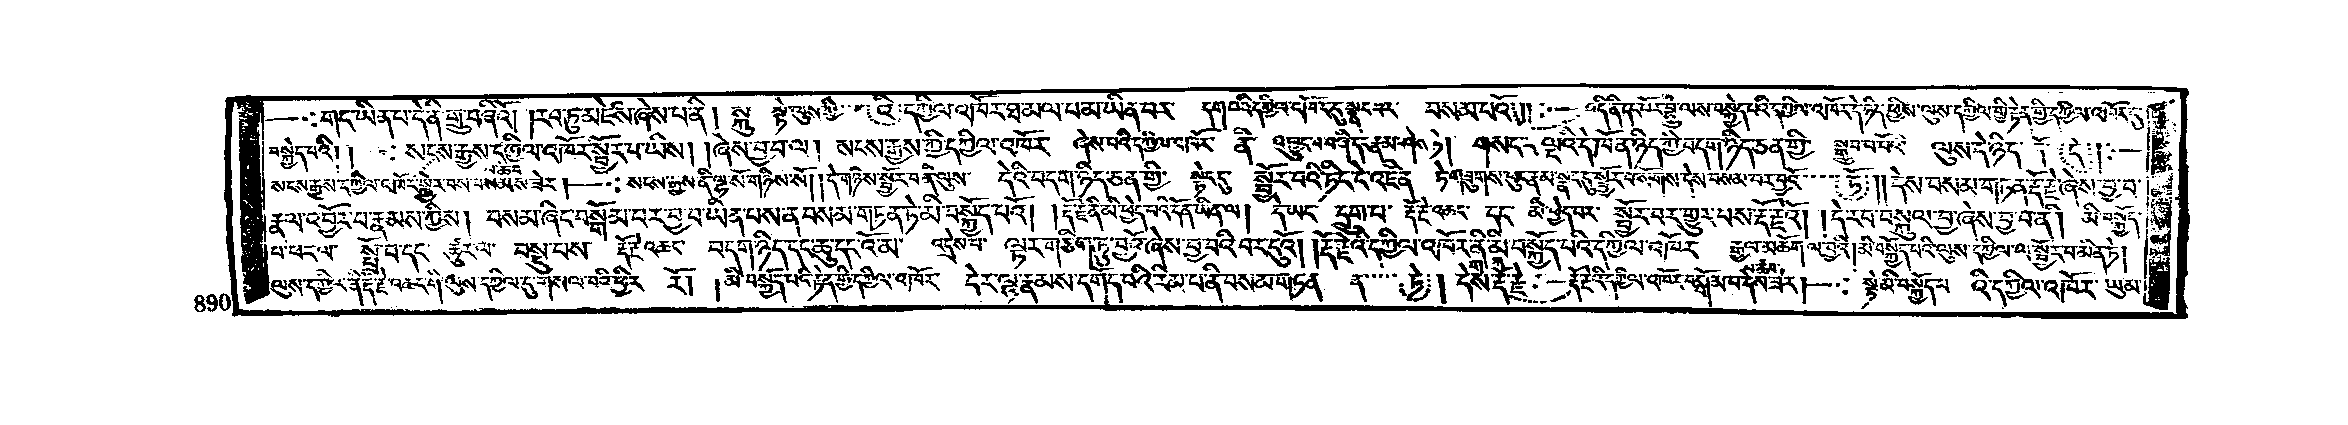.H གང་ཡིན་པ་དེ་ནི་གྲུ་བཞིའོ། །རབ་ཏུ་མཛེས་ཞེས་པ་ནི། སྐུ་སྟེ་ལུས་ཀྱིའི་དཀྱིལ་འཁོར་ཐ་མལ་པ་མ་ཡིན་པར་དག་པའི་དཀྱིལ་འཁོར་དུ་སྣང་བར་བསམ་པའོ།། H.་འདི་ནི་དང་པོར་བྷྲུཾ་ལས་བསྐྱེད་པའི་དཀྱིལ་འཁོར་དེ་ཉིད་ཕྱིས་ལུས་དཀྱིལ་གྱི་རྟེན་གྱི་དཀྱིལ་འཁོར་དུ་
བསྐྱེད་པའོ།། .H སངས་རྒྱས་དཀྱིལ་འཁོར་སྦྱོར་བ་ཡིས། །ཞེས་བྱ་བ་ལ། སངས་རྒྱས་ཀྱི་དཀྱིལ་འཁོར་ཞེས་པའི་དཀྱིལ་འཁོར་ནི་འབྱུང་བ་བཞི་དང་རྣམ་ཤེས་ཏེ། གསང་བ་ལྔའི་དེ་ཁོ་ན་ཉིད་ཀྱི་བདག་ཉིད་ཅན་གྱི་སྒྲུབ་པ་པོའི་ལུས་དེ་ཉིད་དོ་དེ། H.
སངས་རྒྱས་དཀྱིལ་འཁོར་སྦྱོར་བས་བསམས་ཟེར། .H སངས་རྒྱས་ནི་ལྷ་སོ་གཉིས་སོ། །དེ་གཉིས་སྦྱོར་བ་ནི་ལུས་དེའི་བདག་ཉིད་ཅན་གྱི་སྟེང་དུ་སྦྱོར་བའི་ཏིང་ངེ་འཛིན་ཏེ་གཟུགས་ཕུང་རྣམ་སྣང་དུ་སྦྱོར་བ་སོགས་དེས་བསམ་པར་བྱའོ་ཏོ། །དེས་བསམ་གཏན་རྡོ་རྗེ་ཞེས་བྱ་བ་
རྣལ་འབྱོར་པ་རྣམས་ཀྱིས། བསམ་ཞིང་བསྒོམ་པར་བྱ་བ་ཡིན་པས་ན་བསམ་གཏན་ཏེ་མི་བསྐྱོད་པའོ། ། རྡོ་རྗེ་ནི་མི་ཕྱེད་པའི་དོན་ཡིན་ལ།  དེ་ཡང་དྲུག་པ་རྡོ་རྗེ་འཆང་དང་མི་ཕྱེད་པར་སྦྱོར་བར་གྱུར་པས་རྡོ་རྗེའོ། །དེ་རབ་བསྐུལ་བྱ་ཞེས་བྱ་བ་ནི། མི་བསྐྱོད་
པ་ཕར་ལ་སྤྲོ་བ་དང་ཚུར་ལ་བསྡུ་པས་རྡོ་རྗེ་འཆང་བདག་ཉིད་དང་ཆུ་དང་འོ་མ་འདྲེས་པ་ལྟར་གཅིག་ཏུ་བྱའོ་ཞེས་བྱ་བའི་བར་དུའོ། །རྡོ་རྗེའི་དཀྱིལ་འཁོར་ནི་མི་བསྐྱོད་པའི་དཀྱིལ་འཁོར་རྒྱལ་མཆོག་ལ་བྱའི། མི་བསྐྱོད་པའི་ལུས་དཀྱིལ་ལ་སྦྱོར་བ་མིན་ཏེ།
ལུས་དཀྱིལ་ནི་རྡོ་རྗེ་འཆང་གི་ལུས་དཀྱིལ་དུ་གསལ་བའི་ཕྱིར་རོ། །མི་བསྐྱོད་པའི་རྟེན་གྱི་དཀྱིལ་འཁོར་དེར་ལྷ་རྣམས་དགོད་པའི་རིམ་པ་ནི་བསམ་གཏན་ན་ཏེ། དེས་རྡོ་རྗེ་H.་རྡོ་རྗེའི་དཀྱིལ་འཁོར་བསྒོམ་པ་དེས་ཟེར། .H སྟེ་མི་བསྐྱོད་པའི་དཀྱིལ་འཁོར་ཡུམ་